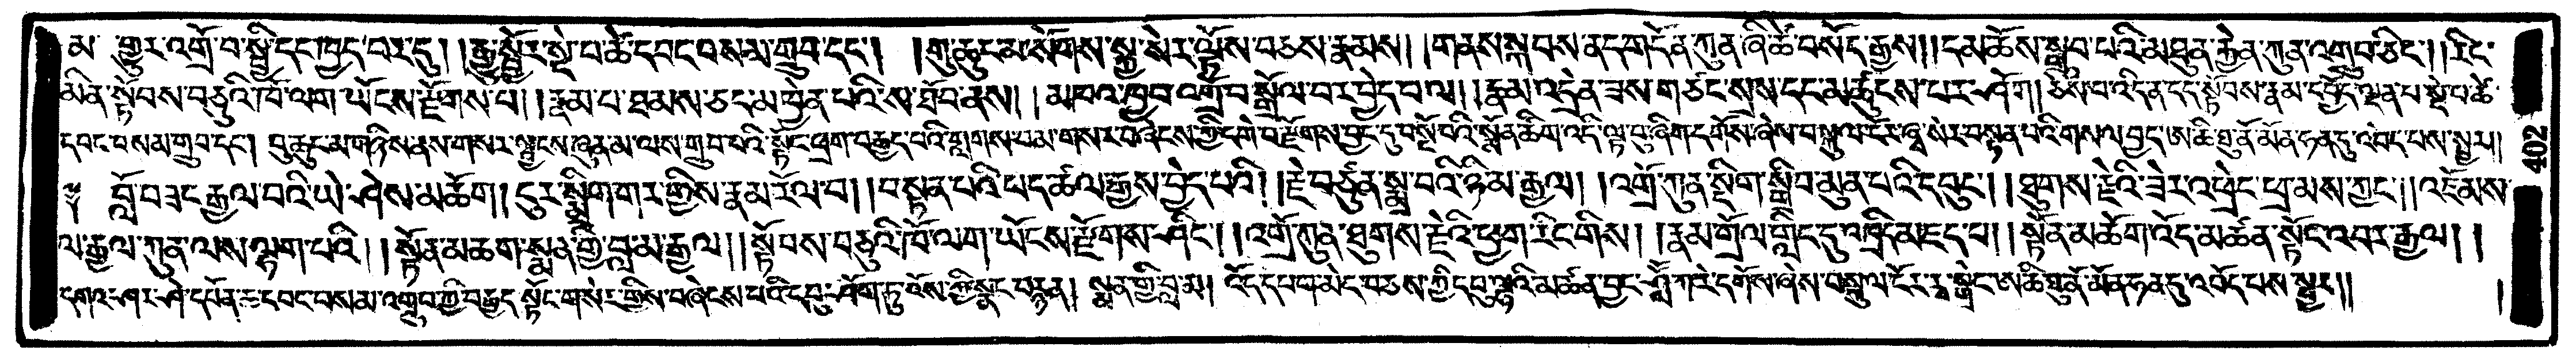མ་གྱུར་འགྲོ་བ་སྦྱི་དང་ཁྱད་བར་དུ། །རྒྱུ་སྦྱོར་སྡེ་བ་ཚེ་དབང་བསམ་གྲུབ་དང་། །གུ་ཆུང་མ་སོགས་སྐྱ་སེར་ལྟོས་བཅས་རྣམས། །གནས་སྐབས་ནད་གདོན་ཀུན་ཞི་ཚེ་བསོད་རྒྱས། །དམ་ཆོས་སྒྲུབ་པའི་མཐུན་རྐྱེན་ཀུན་འགྲུབ་ཅིང་། །རིང་
མིན་སྟོབས་བཅུའི་ཁོ་ལག་ཡོངས་རྫོགས་པ། །རྣམ་པ་ཐམས་ཅད་མཁྱེན་པའི་ས་ཐོབ་ནས། །མཁའ་ཁྱབ་འགྲོ་བ་སྒྲོལ་བར་བྱེད་བ་ལ། །རྣམ་འདྲེན་ཟས་གཙང་སྲས་དང་མཚུངས་པར་ཤོག །ཅེས་པ་འདི་ན་དད་སྟོབས་རྣམ་དཔྱོད་ལྡན་པ་སྡེ་པ་ཚེ་
དབང་བསམ་གྲུབ་དང་། བུ་ཆུང་མ་གཉིས་ནས་གསར་སྦྱངས་ཞུན་མ་ལས་གྲུབ་པའི་སྟོང་ཕྲག་བརྒྱད་པའི་གླགས་བམ་གསར་བཞེངས་ཀྱི་དགེ་བ་རྫོགས་བྱང་དུ་བསྔོ་བའི་སྨོན་ཚིག་འདི་ལྟ་བུ་ཞིག་དགོས་ཞེས་བསྐུལ་ངོར་ཞྭ་སེར་བསྟན་པའི་གསལ་བྱད་ཨ་ཆི་ཐུ་ནོ་མོན་ཧན་དུ་འབེད་པས་སྦྱར།།
༈ བློ་བཟང་རྒྱལ་བའི་ཡེ་ཤེས་མཆོག །ངུར་སྨྲིག་གར་གྱིས་རྣམ་རོལ་བ། །བསྟན་པའི་པད་ཚལ་རྒྱས་བྱེད་པའི། །རྗེ་བཙུན་སྨྲ་བའི་ཉི་མ་རྒྱལ། །འགྲོ་ཀུན་སྡིག་སྒྲིབ་མུན་པའི་དབུང་། །ཐུགས་རྗེའི་ཟེར་འཕྲེང་ཕྲ་མས་ཀྱང་། །འཇོམས་
ལ་རྒྱལ་ཀུན་ལས་ལྷག་པའི། །སྟོན་མཆག་སྨན་གྱི་བླ་མ་རྒྱལ། །སྟོབས་བཅུའི་ཁོ་ལག་ཡོངས་རྫོགས་ཤིང་། །འགྲོ་ཀུན་ཐུགས་རྗེའི་ཕྱག་རིང་གིས། །རྣམ་གྲོལ་གླིང་དུ་འཁྲིད་མཇད་པ། །སྟོན་མཆོག་འོད་མཚན་སྟོང་འབར་རྒྱལ། །
དགའ་ཤར་ཤེ་དཔོན་ཆ་དབང་བསམ་འགྲུབ་ཀྱི་བརྒྱད་སྟོང་གསེར་གྱིས་བཞེངས་པའི་དབུ་ཤོག་ཏུ་འོས་ཀྱི་སྣང་བརྙན། སྨན་གྱི་བླ་མ། འོད་དཔག་མེད་བཅས་ཀྱི་དབུ་ལྷའི་མཚན་བྱང་ཤླཽ་ཀ་རེ་དགོས་ཞེས་བསྐུལ་ངོར་རྭ་སྒྲེང་ཨ་ཆི་ཐུ་ནོ་མོན་ཧན་དུ་འབོད་པས་སྦྱར།།